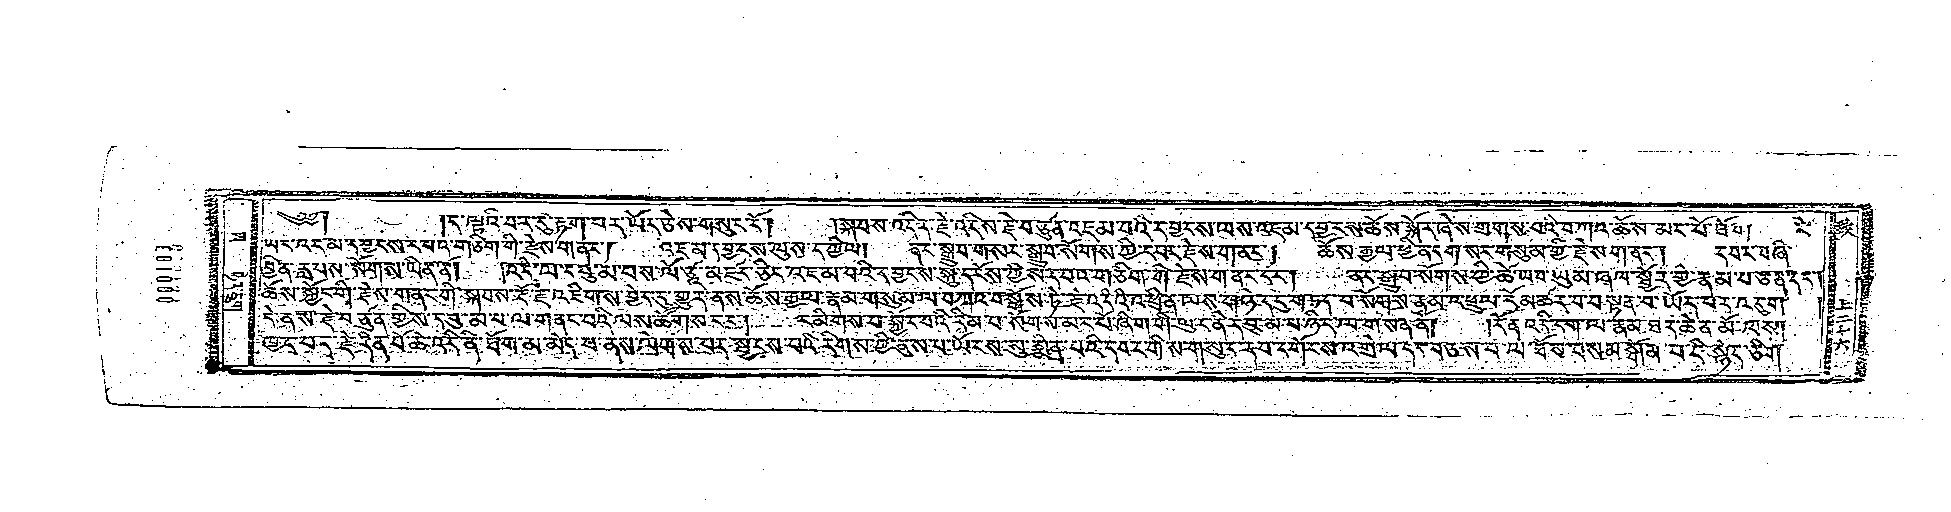༄༅། །ད་ལྟའི་བར་དུ་རྟག་པར་ཡོད་ཅེས་གསུང་ངོ། །སྐབས་འདིར་རྗེ་འདིས་རྗེ་བཙུན་འཇམ་པའི་དབྱངས་ལས་འཇམ་དབྱངས་ཆོས་སྐོར་ཞེས་གྲགས་བའི་བཀའ་ཆོས་མང་པོ་ཐོབ། དེ་
ཡང་འཇམ་དབྱངས་དཔའ་གཅིག་གི་རྗེས་གནང་། འཇམ་དབྱངས་ལུས་དཀྱིལ། ནང་སྒྲུབ་གསང་སྒྲུབ་སོགས་ཀྱི་དབང་རྗེས་གནང་། ཆོས་རྒྱལ་ཕྱི་ནང་གསང་གསུམ་གྱི་རྗེས་གནང་། དབང་བཞི་
བྱིན་རླབས་སོགས་ཡིན་ནོ། །འདི་ལ་དབུ་མ་པས་ལོ་ཙཱ་མཛད་ཅིང་འཇམ་པའི་དབྱངས་སྐུ་དངོས་ཀྱིས་དཔའ་གཅིག་གི་རྗེས་གནང་དང་། ནང་སྒྲུབ་སོགས་ཀྱི་ཚེ་ཡབ་ཡུམ་ཞལ་སྦྱོར་གྱི་རྣམ་པ་ཅན་དང་།
ཆོས་སྐྱོང་གི་རྗེས་གནང་གི་སྐབས་རྡོ་རྗེ་འཇིགས་བྱེད་དུ་གྱུར་ནས་ཆོས་རྒྱལ་རྣམ་གསུམ་ལ་བཀའ་བསྒོས་ཏེ་རྗེ་འདིའི་འཕྲིན་ལས་གཉེར་དུ་གཏད་པ་སོགས་རྣམ་འཕྲུལ་ངོ་མཚར་པ་བསྟན་པ་ཡོད་པར་འདུག །
དེ་ནས་རྗེ་བཙུན་གྱིས་དབུ་མ་པ་ལ་གནང་བའི་ལས་ཚོགས་དང་། དམིགས་པ་སྐྱོང་བའི་རིམ་པ་སོགས་མང་པོ་ཞིག་གི་ལུང་ནི་དབུ་མ་པ་ཉིད་ལ་གསན་ནོ། །དོན་འདི་དག་ལ་རྣམ་ཐར་ཆེན་མོ་ལས།
ཁྱད་པར་རྗེ་རིན་པོ་ཆེ་འདི་ནི་ཐོག་མ་མེད་པ་ནས་ལེགས་པར་སྦྱངས་པའི་རིགས་ཀྱི་ནུས་པ་ཡོངས་སུ་སྨིན་པའི་དབང་གིས་གསུང་རབ་དགོངས་འགྲེལ་དང་བཅས་པ་ལ་ཐོས་བསམ་སྒོམ་པ་ཇི་སྙེད་ཅིག་